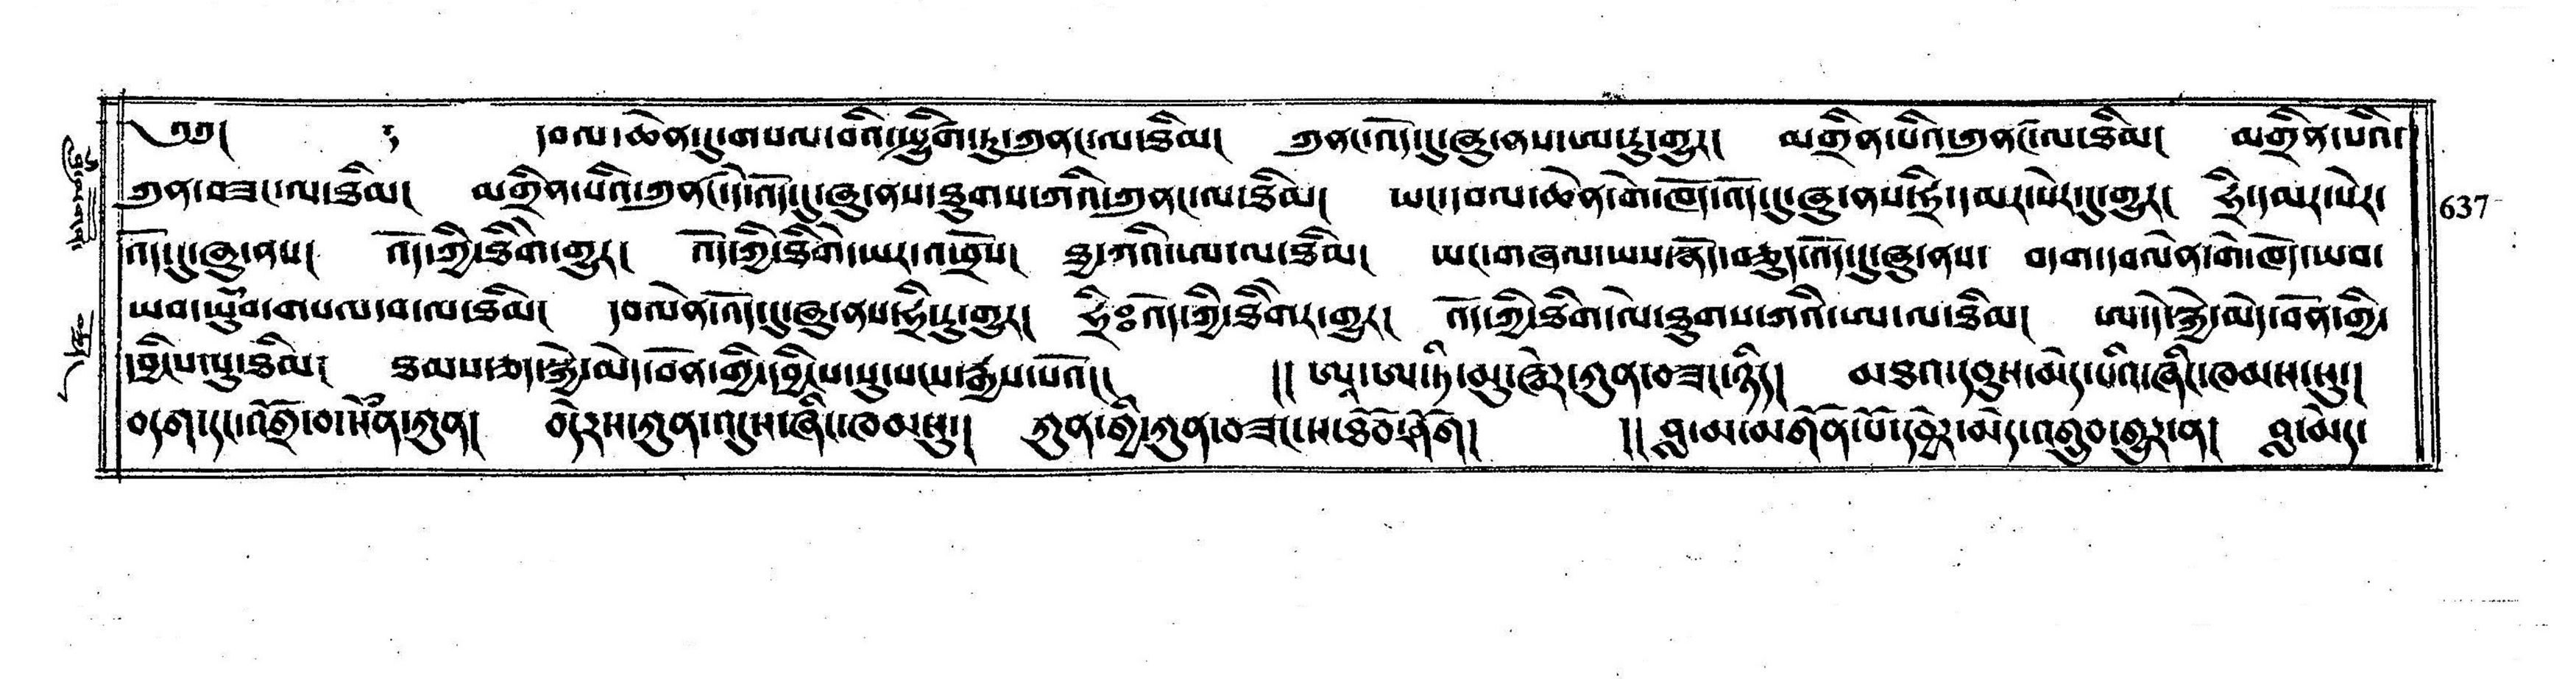དབལ་ཆེན་དུ་གསལ་བའི་སྤྱི་གཙུག་ཏུ་ཀུན་བཟང་ལ་ཐིམ། ཀུན་བཟང་འོད་དུ་ཞུ་ནས་ཨ་རུ་གྱུར། མགྲིན་པའི་
ཀུན་བཟང་ལ་ཐིམ། མགྲིན་པའི་ཀུན་བཟང་དེ་འོད་དུ་ཞུ་ནས་ཐུགས་ཀའི་ཀུན་བཟང་ལ་ཐིམ། ཡང་དབལ་ཆེན་གེ་ཁོད་འོད་དུ་ཞུ་ནས་ཧྲི་དམར་སེར་དུ་གྱུར། ཧྲི་དམར་སེར་
འོད་དུ་ཞུ་ནས། འོད་ཀྱི་ཐིག་ལེ་གྱུར། འོད་ཀྱི་ཐིག་ལེ་ཡར་འཕྲོས། ཐུགས་ཀའི་ཨ་ལ་ཐིམ། ཡང་གཞལ་ཡས་སྣོད་བཅུད་འོད་དུ་ཞུ་ནས། བདག་དབལ་ཆེན་གེ་ཁོད་ཡབ་
ཡབ་ཡུམ་གསལ་བ་ལ་ཐིམ། དབལ་ཆེན་འོད་དུ་ཞུ་ནས་ཧྲི་རུ་གྱུར། ཧྲིཿའོད་ཀྱི་ཐིག་ལེར་གྱུར། འོད་ཀྱི་ཐིག་ལེ་ཐུགས་ཀའི་ཨ་ལ་ཐིམ། ཨ་དེ་སྐྱེ་མེད་བོན་གྱི་
དབྱིངས་སུ་ཐིམ། ཐམས་ཅད་སྐྱེ་མེད་བོན་གྱི་དབྱིངས་སུ་སངས་རྒྱས་པའོ།། །།ཨཱ་ཨ་ཏི་མུ་ཝེར་ཀུན་བཟང་ཉིད། མཐའ་དབུས་མེད་པའི་ཞིང་ཁམས་སུ། 
བདག་དང་འགྲོ་བ་སེམས་ཅན་ཀུན། བདེར་གཤེགས་ཀུན་འདུས་ཞིང་ཁམས་སུ། ཀུན་གྱི་ཀུན་བཟང་ས་ཐོབ་ཤོག །།བླ་མ་མགོན་པོ་དབྱེར་མེད་འགྲུབ་གྱུར་ན། བླ་མེད་